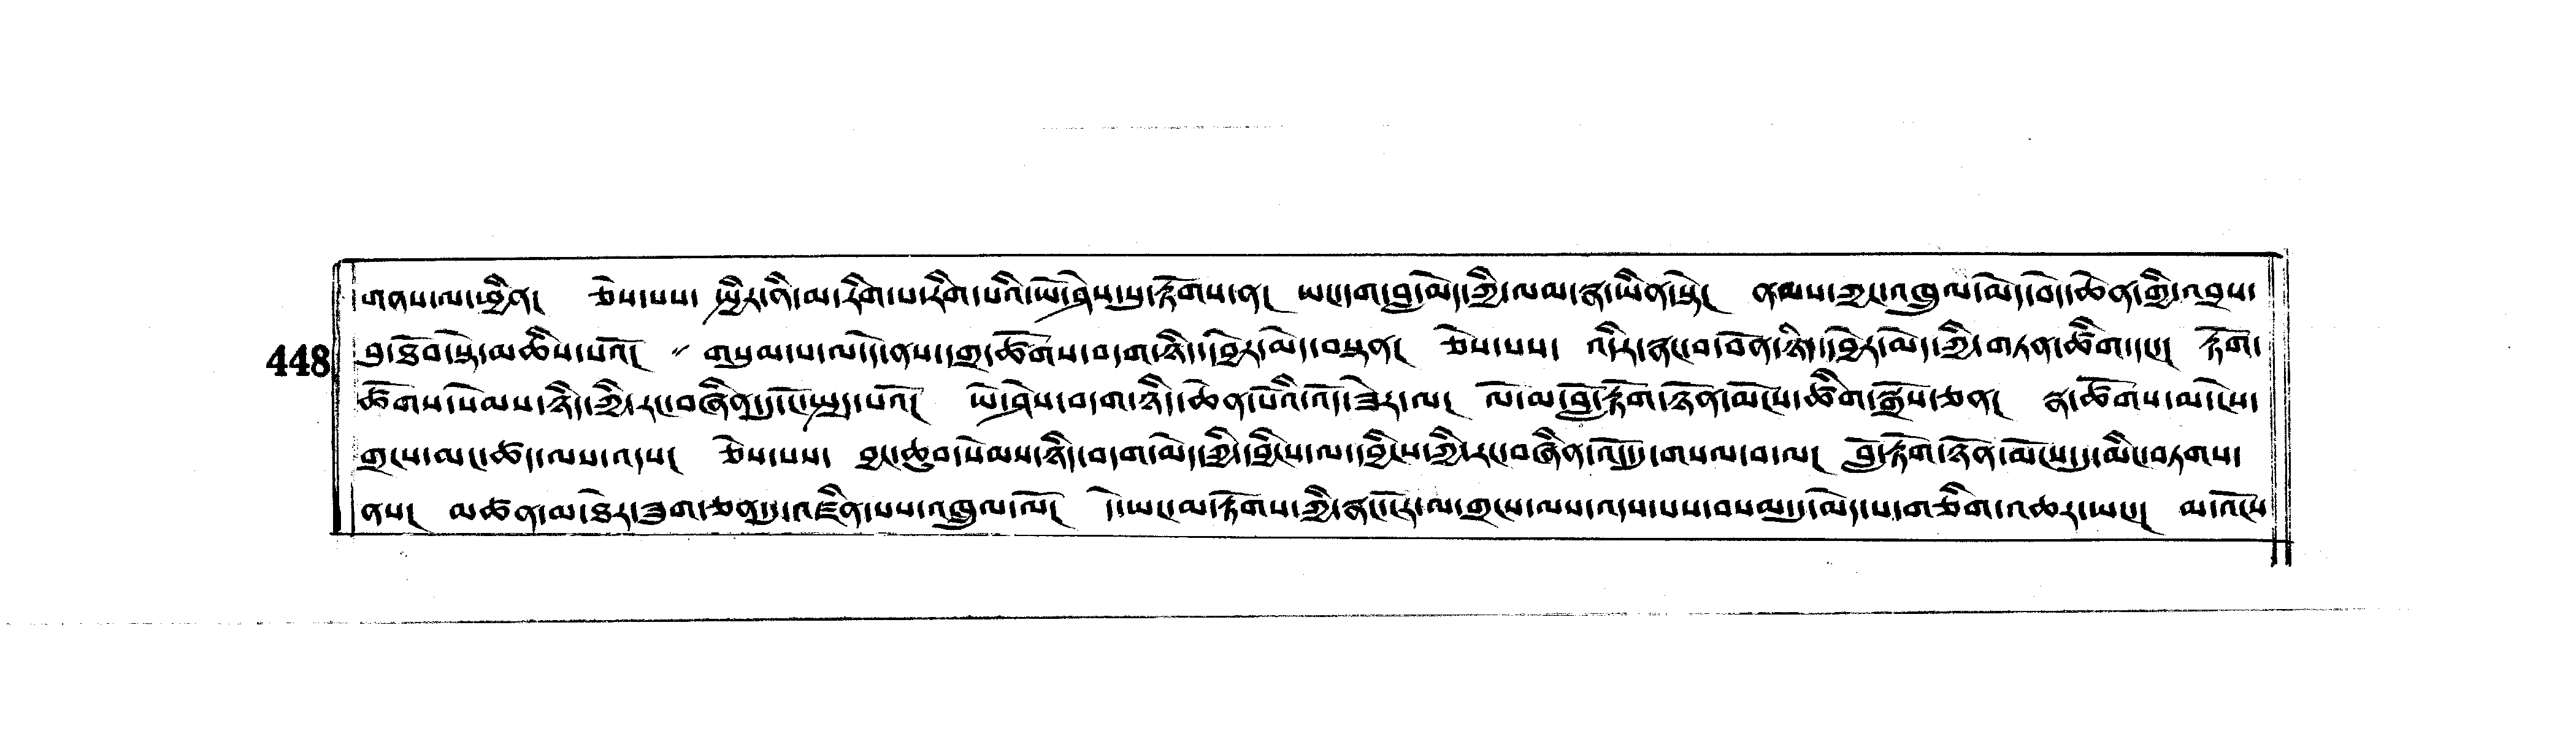གནས་ལ་ཕྱིན། ཅེས་པས། སྤྱིར་ན་མ་རིག་པ་རིག་པའི་ཡེ་ཤེས་སུ་རྟོགས་ན། ཡང་དག་བླ་མེད་ཀྱི་ལམ་སྣ་ཡིན་ཏེ། ནམ་ཀྱང་འཁྲུལ་མེད་བདེ་ཆེན་གྱི་འབྲས་
བུ་འཐོབ་སྟེ་མཆིས་པའོ། གསུམ་པ་ལ་དེ་ནས་དགྲ་ཚོགས་བདག་ཉིད་དབྱེར་མེད་བསྟན། ཅེས་པས། འདིར་སྣང་བ་བོན་ཉིད་དབྱེར་མེད་ཀྱི་གཏན་ཚིགས་དང་། རྟོག་
ཚོགས་སེམས་ཉིད་ཀྱི་རང་བཞིན་དུ་ངོ་སྤྲད་པའོ། ཡེ་ཤེས་བདག་ཉིད་ཆེན་པོའི་འོད་ཟེར་ལ། ལོ་མ་བློ་རྟོག་ཉོན་མོངས་ཚིག་སྒྲོས་ཅན། སྣ་ཚོགས་མ་ངེས་
གྲངས་མང་ཚད་ལས་འདས། ཅེས་པས། བྱང་ཆུབ་སེམས་ཉིད་བདག་མེད་ཀྱི་དབྱིངས་ལ་དབྱིངས་ཀྱི་རང་བཞིན་འོད་དུ་གསལ་བ་ལ། བློ་རྟོག་ཉོན་མོངས་དུ་མིང་བཏགས་
ནས། མཚན་མ་ཐེར་ཟུག་ཅན་དུ་འཛིན་པས་འཁྲུལ་ལོ། དེ་ཡང་མ་རྟོགས་ཀྱི་སྣང་ངོར་ལ་གྲངས་ལས་འདས་པས་བསམ་དུ་མེད་པ་ཅིག་འཆར་ཡང་། མ་འོངས་